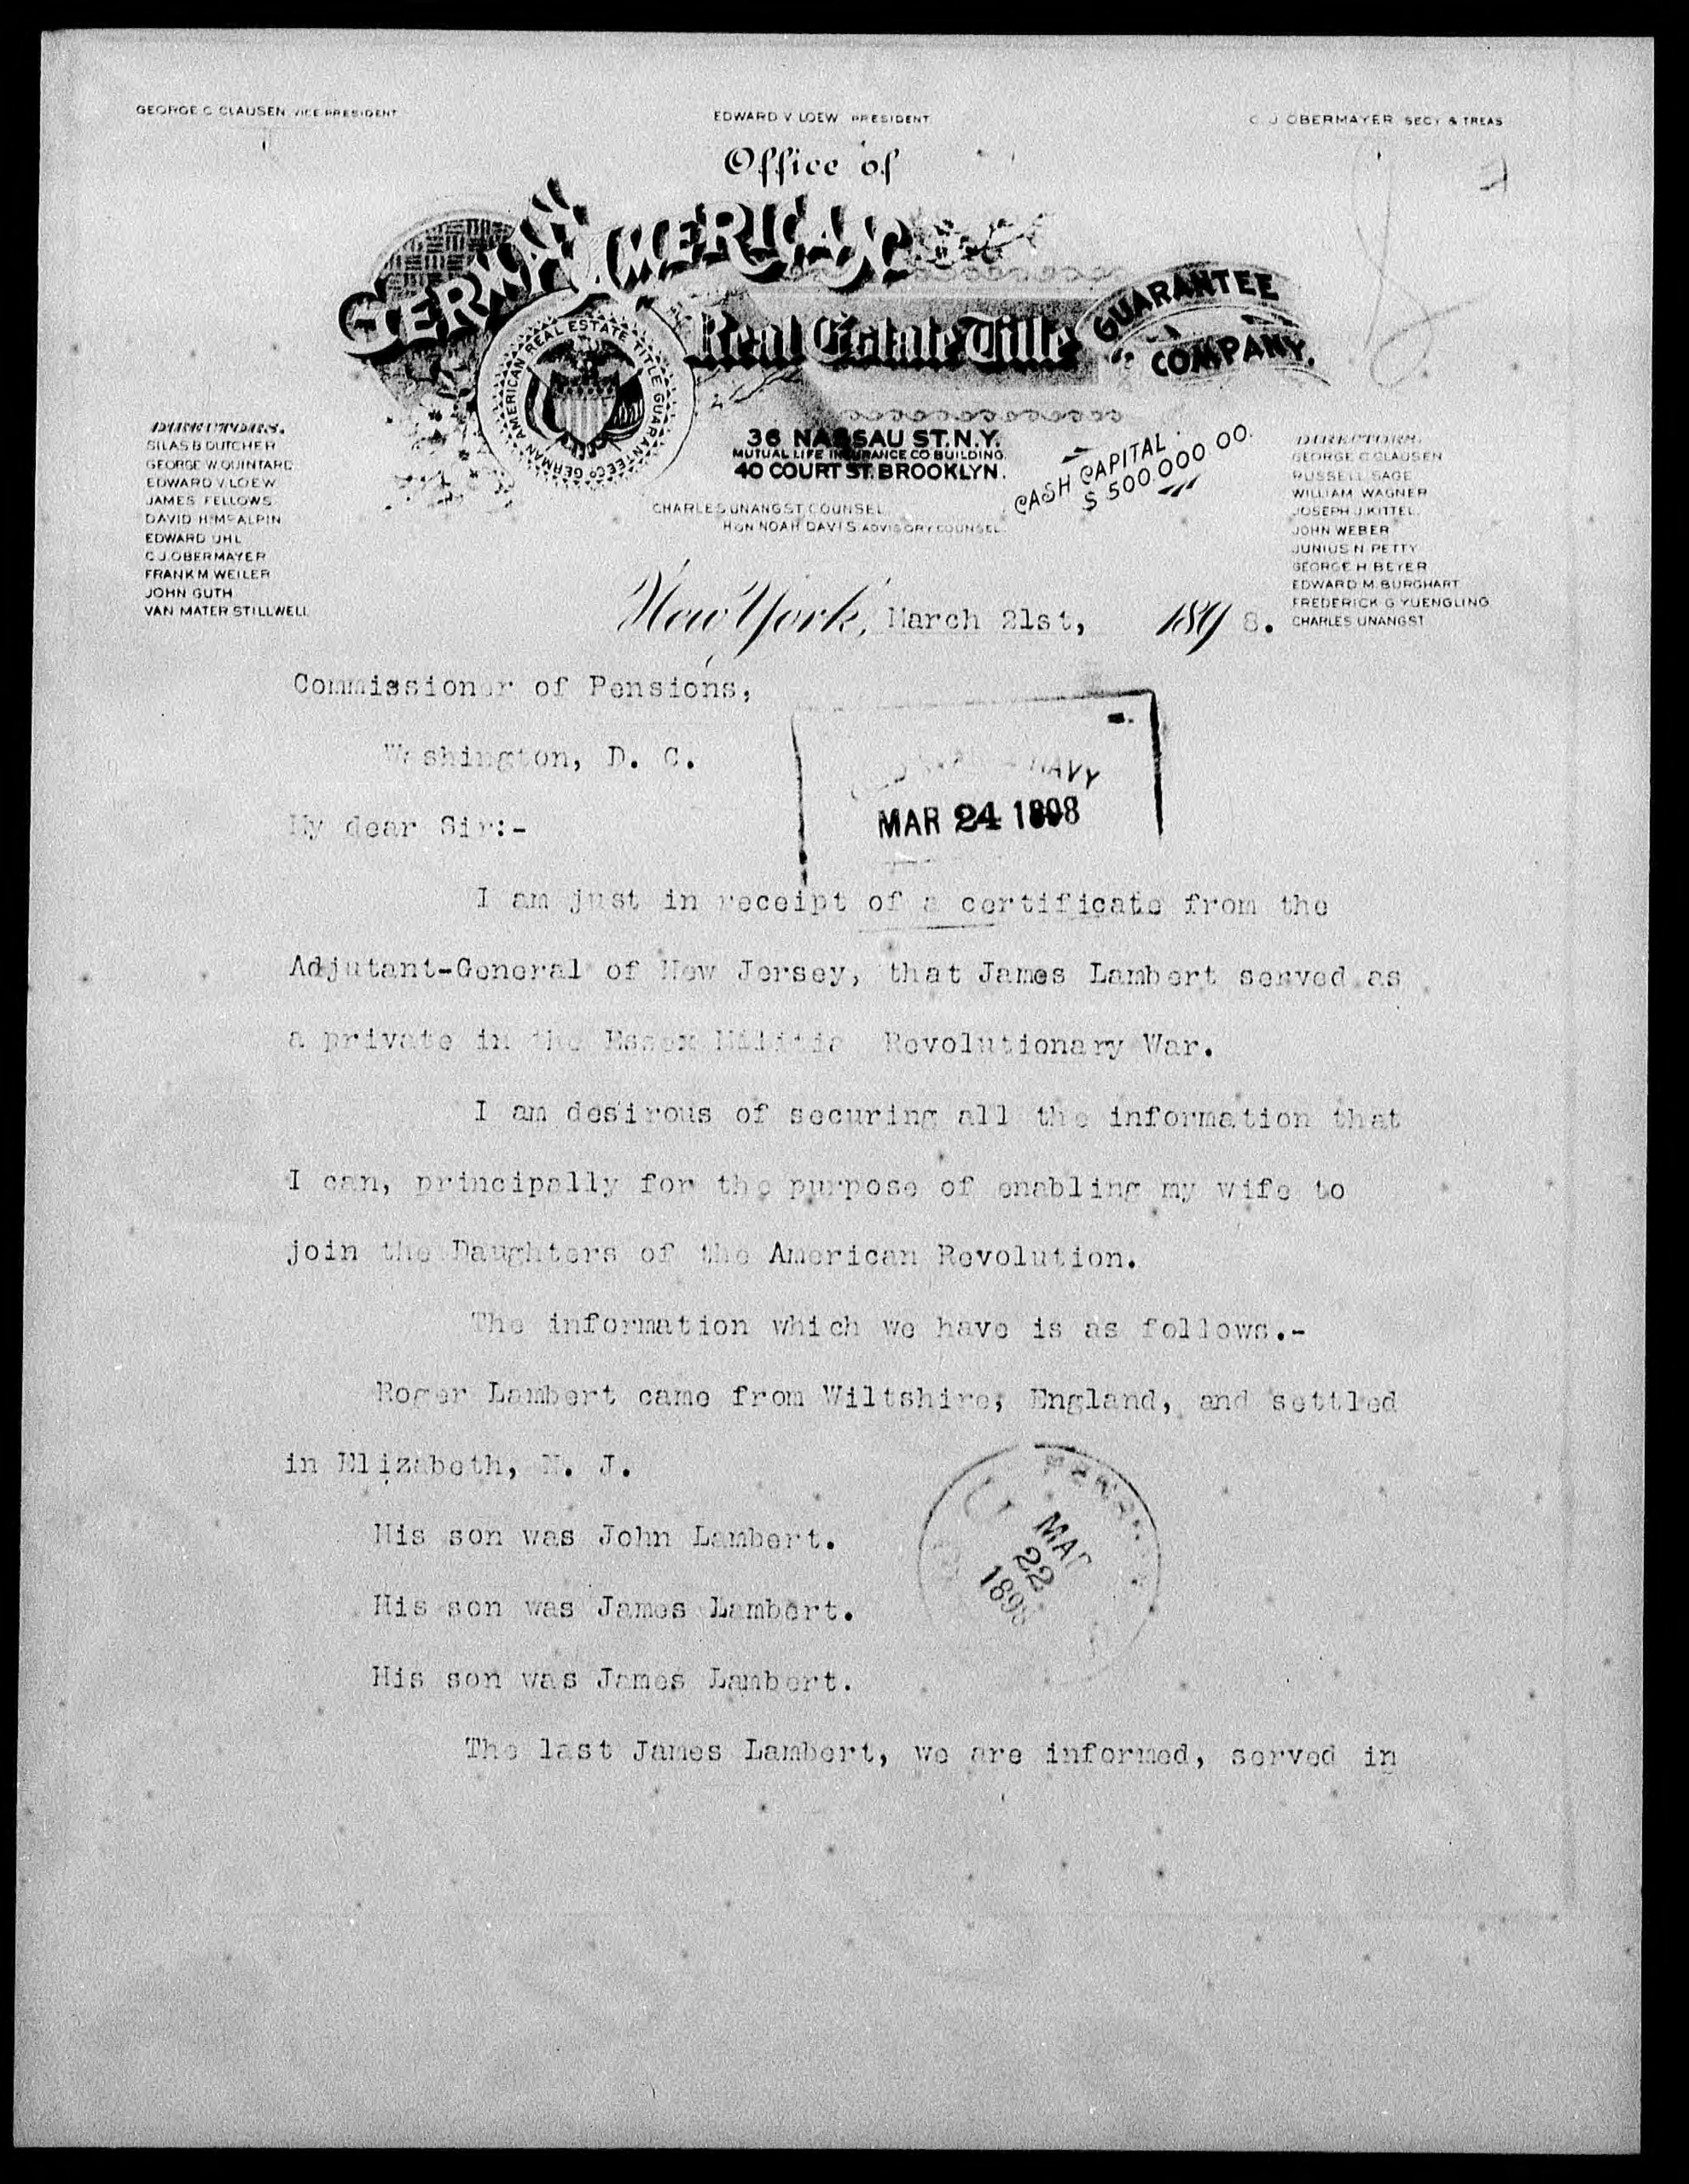George C. Clausen, Vice President
Edward V. Loew, President
C. J. Obermayer Secy & Treas

Office of German American Real Estate Tille Guarantee Company
36 Nassau St. N.Y.
Mutual Life Insurance Co Builting
40 Court St. Brooklyn.
Cash Capital $500000.00

[Illegible]
SILAS B DUTCHER
GEORGE W QUINTARD
EDWARD V LOEW.
JAMES FELLOWS
DAVID H. McALPIN
EDWARD UHL
C J OBERMAYER
FRANK M. WEILER
JOHN GUTH
VAN MATER STILLWELL

CHARLES UNANGST  COUNSEL
HON NOAH DAVIS Advisory Counsel
New York Mar 21st 1898
[Illegible]
GEORGE C. CLAUSE
RUSSELL SAGE
WILLIAM WAGHER
JOSEPH J KITTEL
JOHN WEBER
GEORGE BEYER
EDWARD M BURGHART
FREDERICK G YUENGLING
CHARLES UNANGST
Commissioner of Pensions,
Washington, D. C.
[Stamp] Navy Mar 24 1898
My dear Sir;
I am just in receipt of a certificate from the Adjutant-General of New Jersey, that James Lampert served as a private in the Essex Militia Revolutionary War.
I am desirous of securing all the information that I can, principally for the purpose of enabling my wife to join the Daughters of the American Revolution.
The information which we have is as follows. - Roger Lambert came from Wiltshire, England, and settled in Elizabeth, N.J.
His son was John Lambert.
His son was James Lambert.
His son was James Lambert.
The last James Lambert, we are informed, served in 
[Stamp] U. S Pension Office Mar 22 1898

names: James Lambert; Charles Unangst; George H Beyer; Joseph J Kittel; Frank M Weiler; Russell Gage; Roger Lambert; Junius N Betty; George C Clausen; William Wagner; Edward M Burghart; Van Mater Stillwell; James Fellows; Silas B Dutcher; Frederick G Yuengling; John Lambert; C J Obermayer; David H Mc Alpin; Edward V Loew; John Guth; Elizabeth [BLANK]; John Weber; George W Quintard; Noah Davis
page: 31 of 49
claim: widow's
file: W. 859, for James Lambert, New Jersey